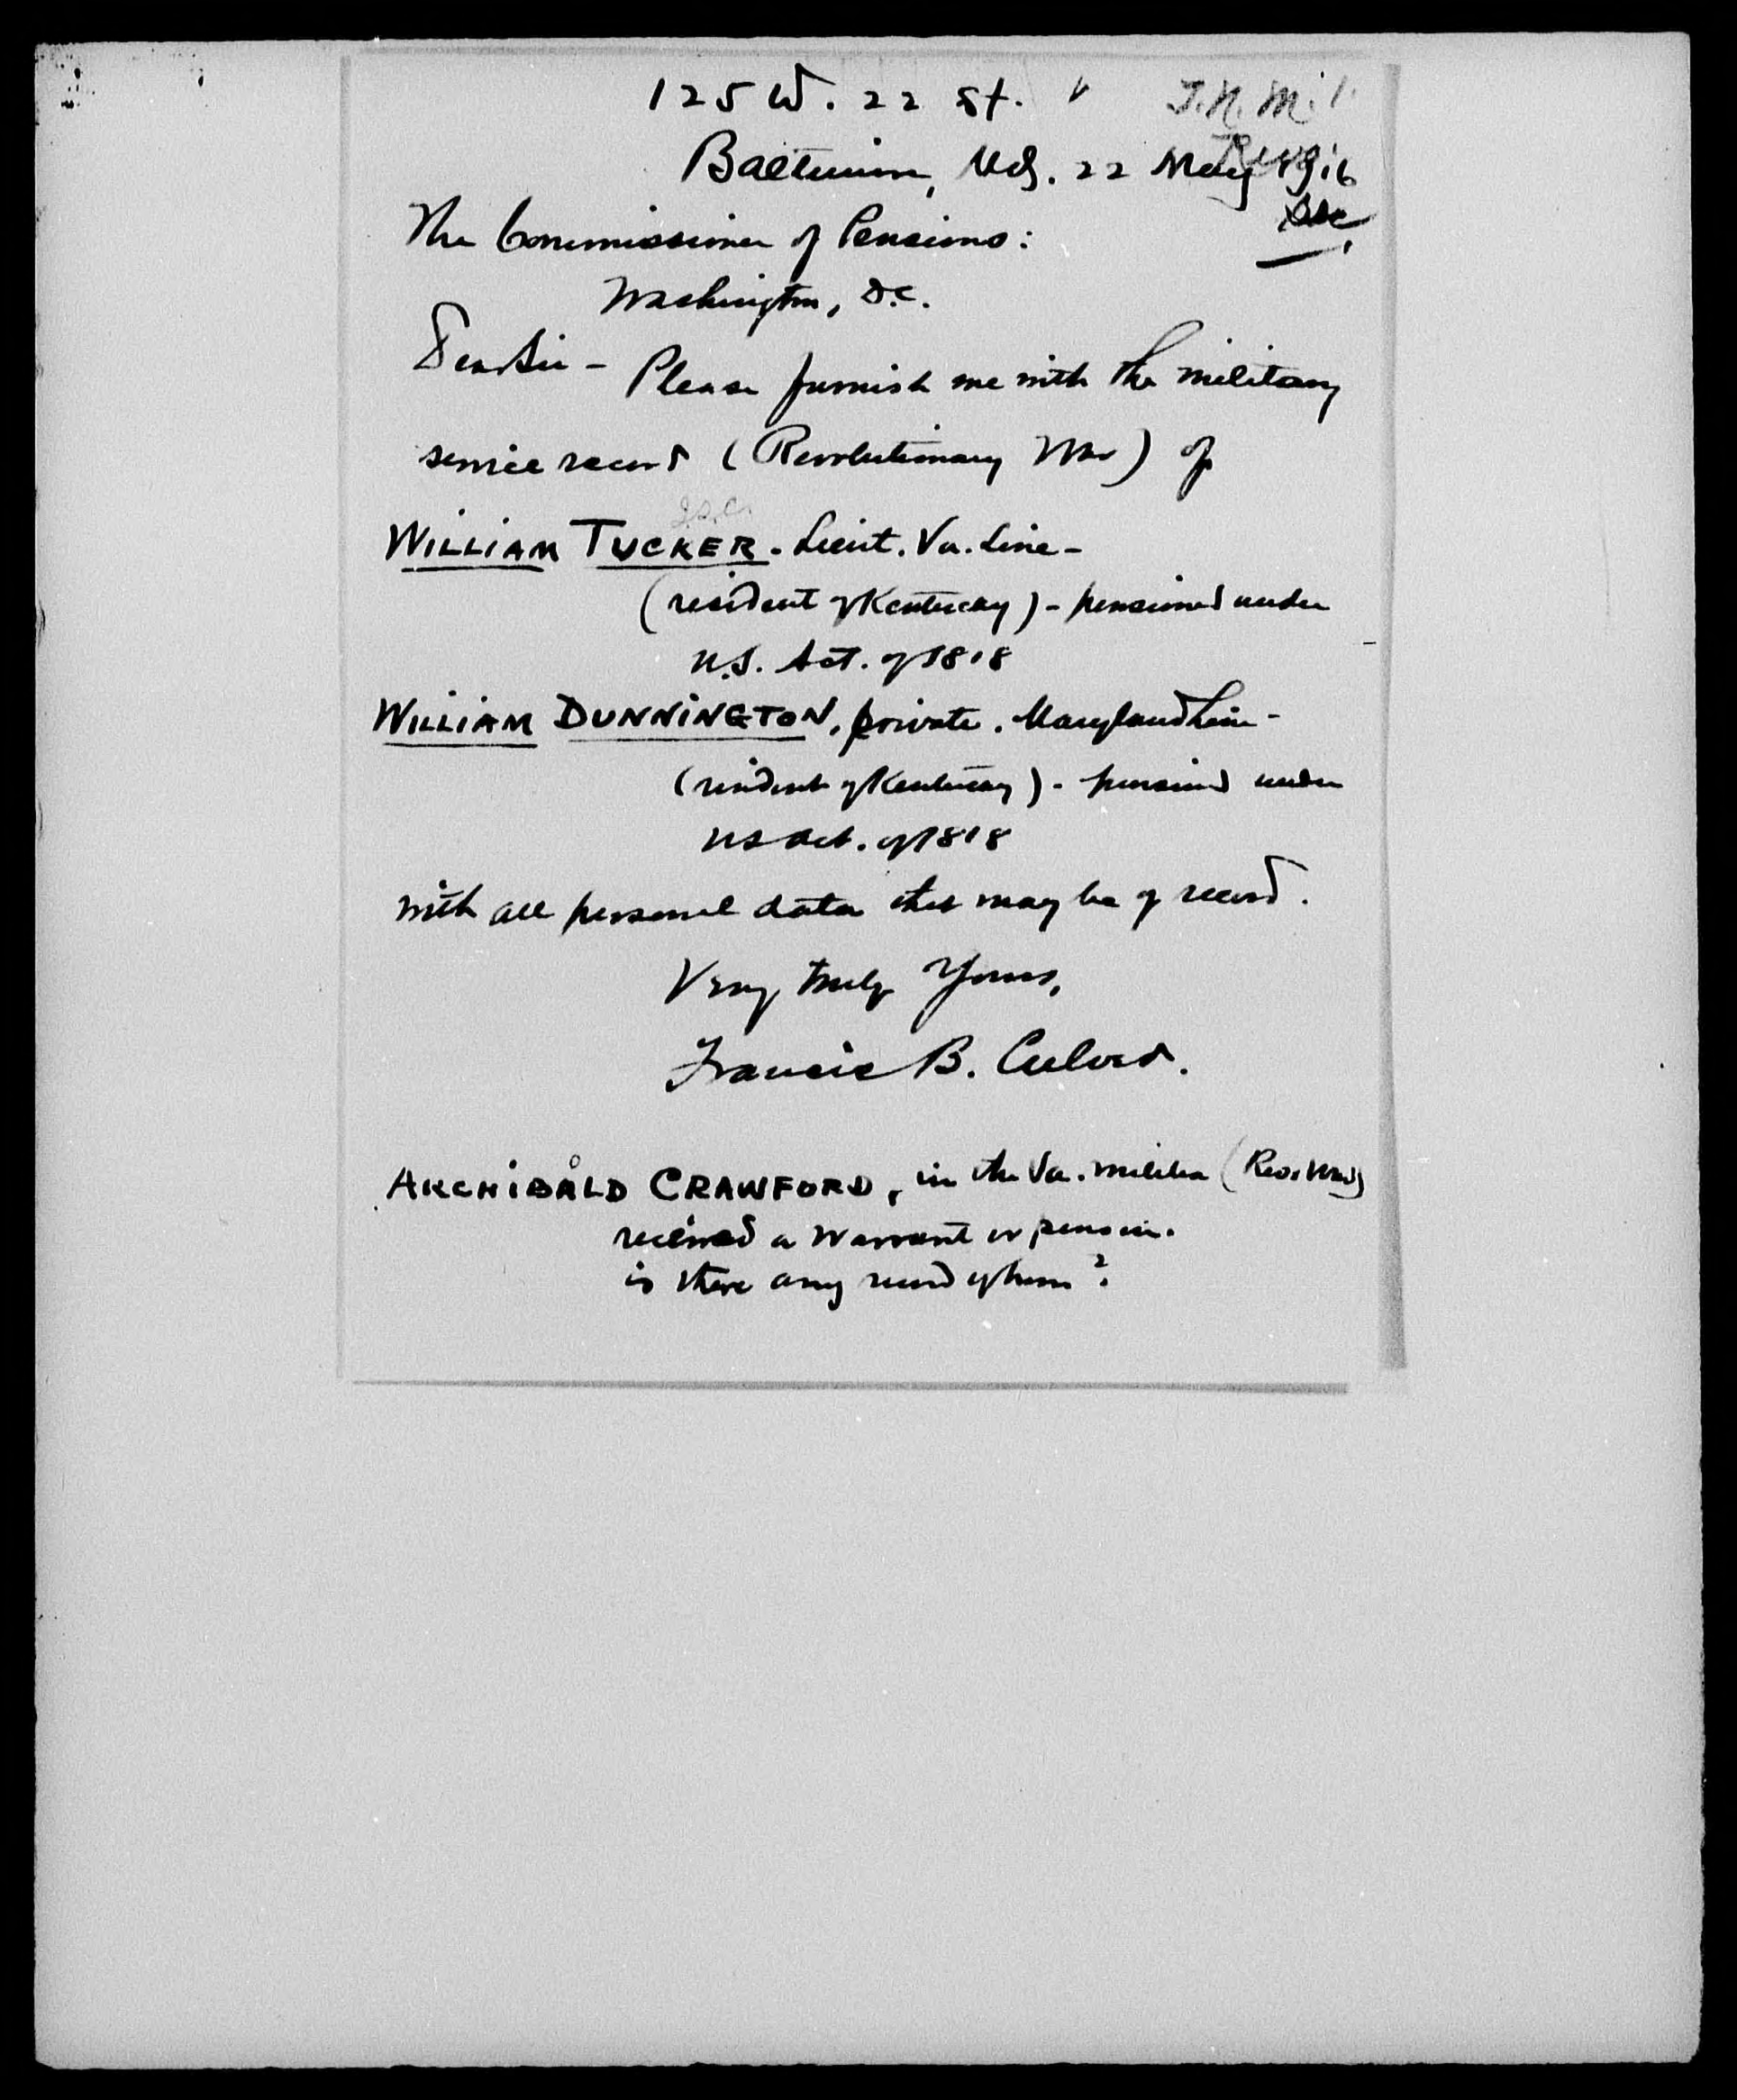125 W. 22nd St.
Baltimore, MD

22 May 1916

The Commissioner of Pensions:
Washington, DC

Dear Sir - Please furnish me with the military service record (Revolutionary War) of

William Tucker, Lieut. [Lieutenant] Va. [Virginia] Line.  (Resident of Kentucky) - pension under U.
S. Act of 1818.

William Dunnington, Private. Maryland Line.
(Resident of Kentucky) - Pension under U. S. Act of 1818.

With all personal data that may be of record.

Very truly yours,
Francis B. Culver

Archibald Crawford in the Va. (Virginia) Milittia [illigible]

Received a warrant in pension.  Is there any record of him?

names: Francis B Culver, William Dunnington, William Tucker, Archibald Crawford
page: 51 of 51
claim: widow's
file: W. 27,409, William Dunnington, Md.